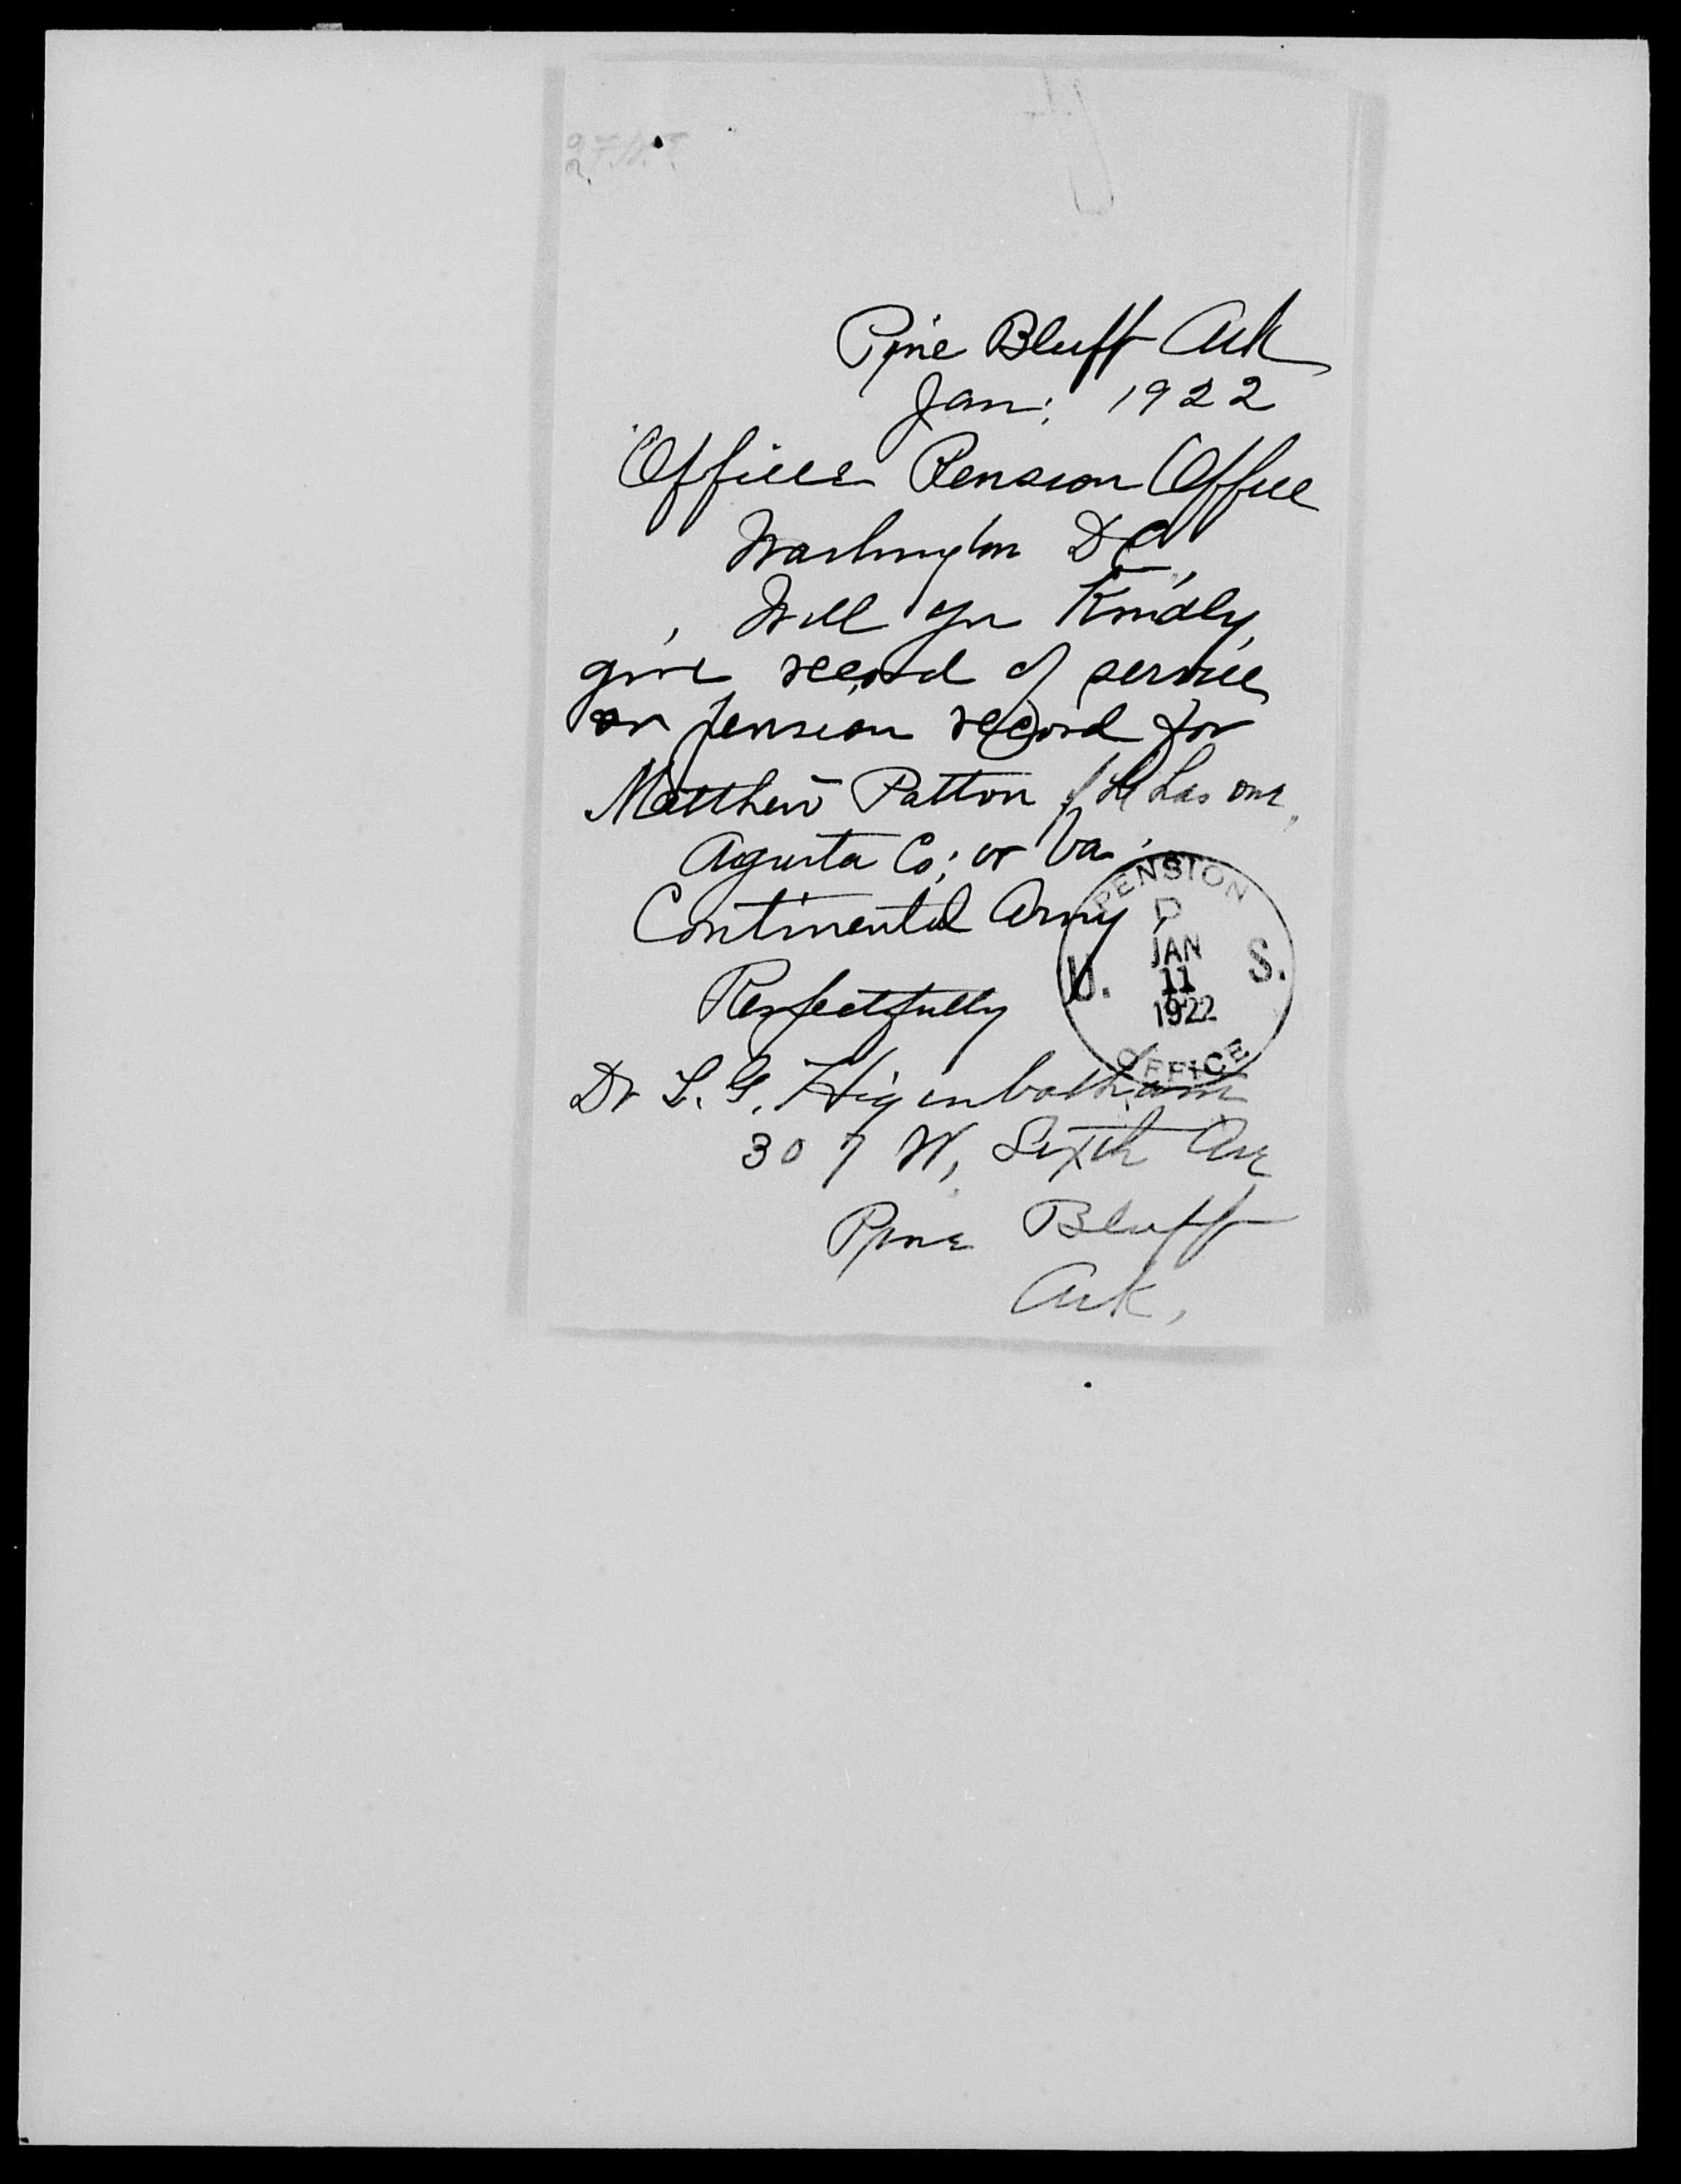2 F.R.T
Pine Bluff Ark
Jan: 1922
Office Pension Office
Washington D.C.
Will you kindly
give record of service
or pension record for
Matthew Patton has one
Agusta Co, Va
Continental Army
Perfectfully
[Black stamp: PENSION OFFICE U.S. D JAN 11 1922]
Dr S.G. Higinbotham
307 N. Sixth Ave
Pine Bluff
Ark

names: Matthew Patton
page: 16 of 45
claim: survivor's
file: S. 31294, for Matthew Patton, Maryland